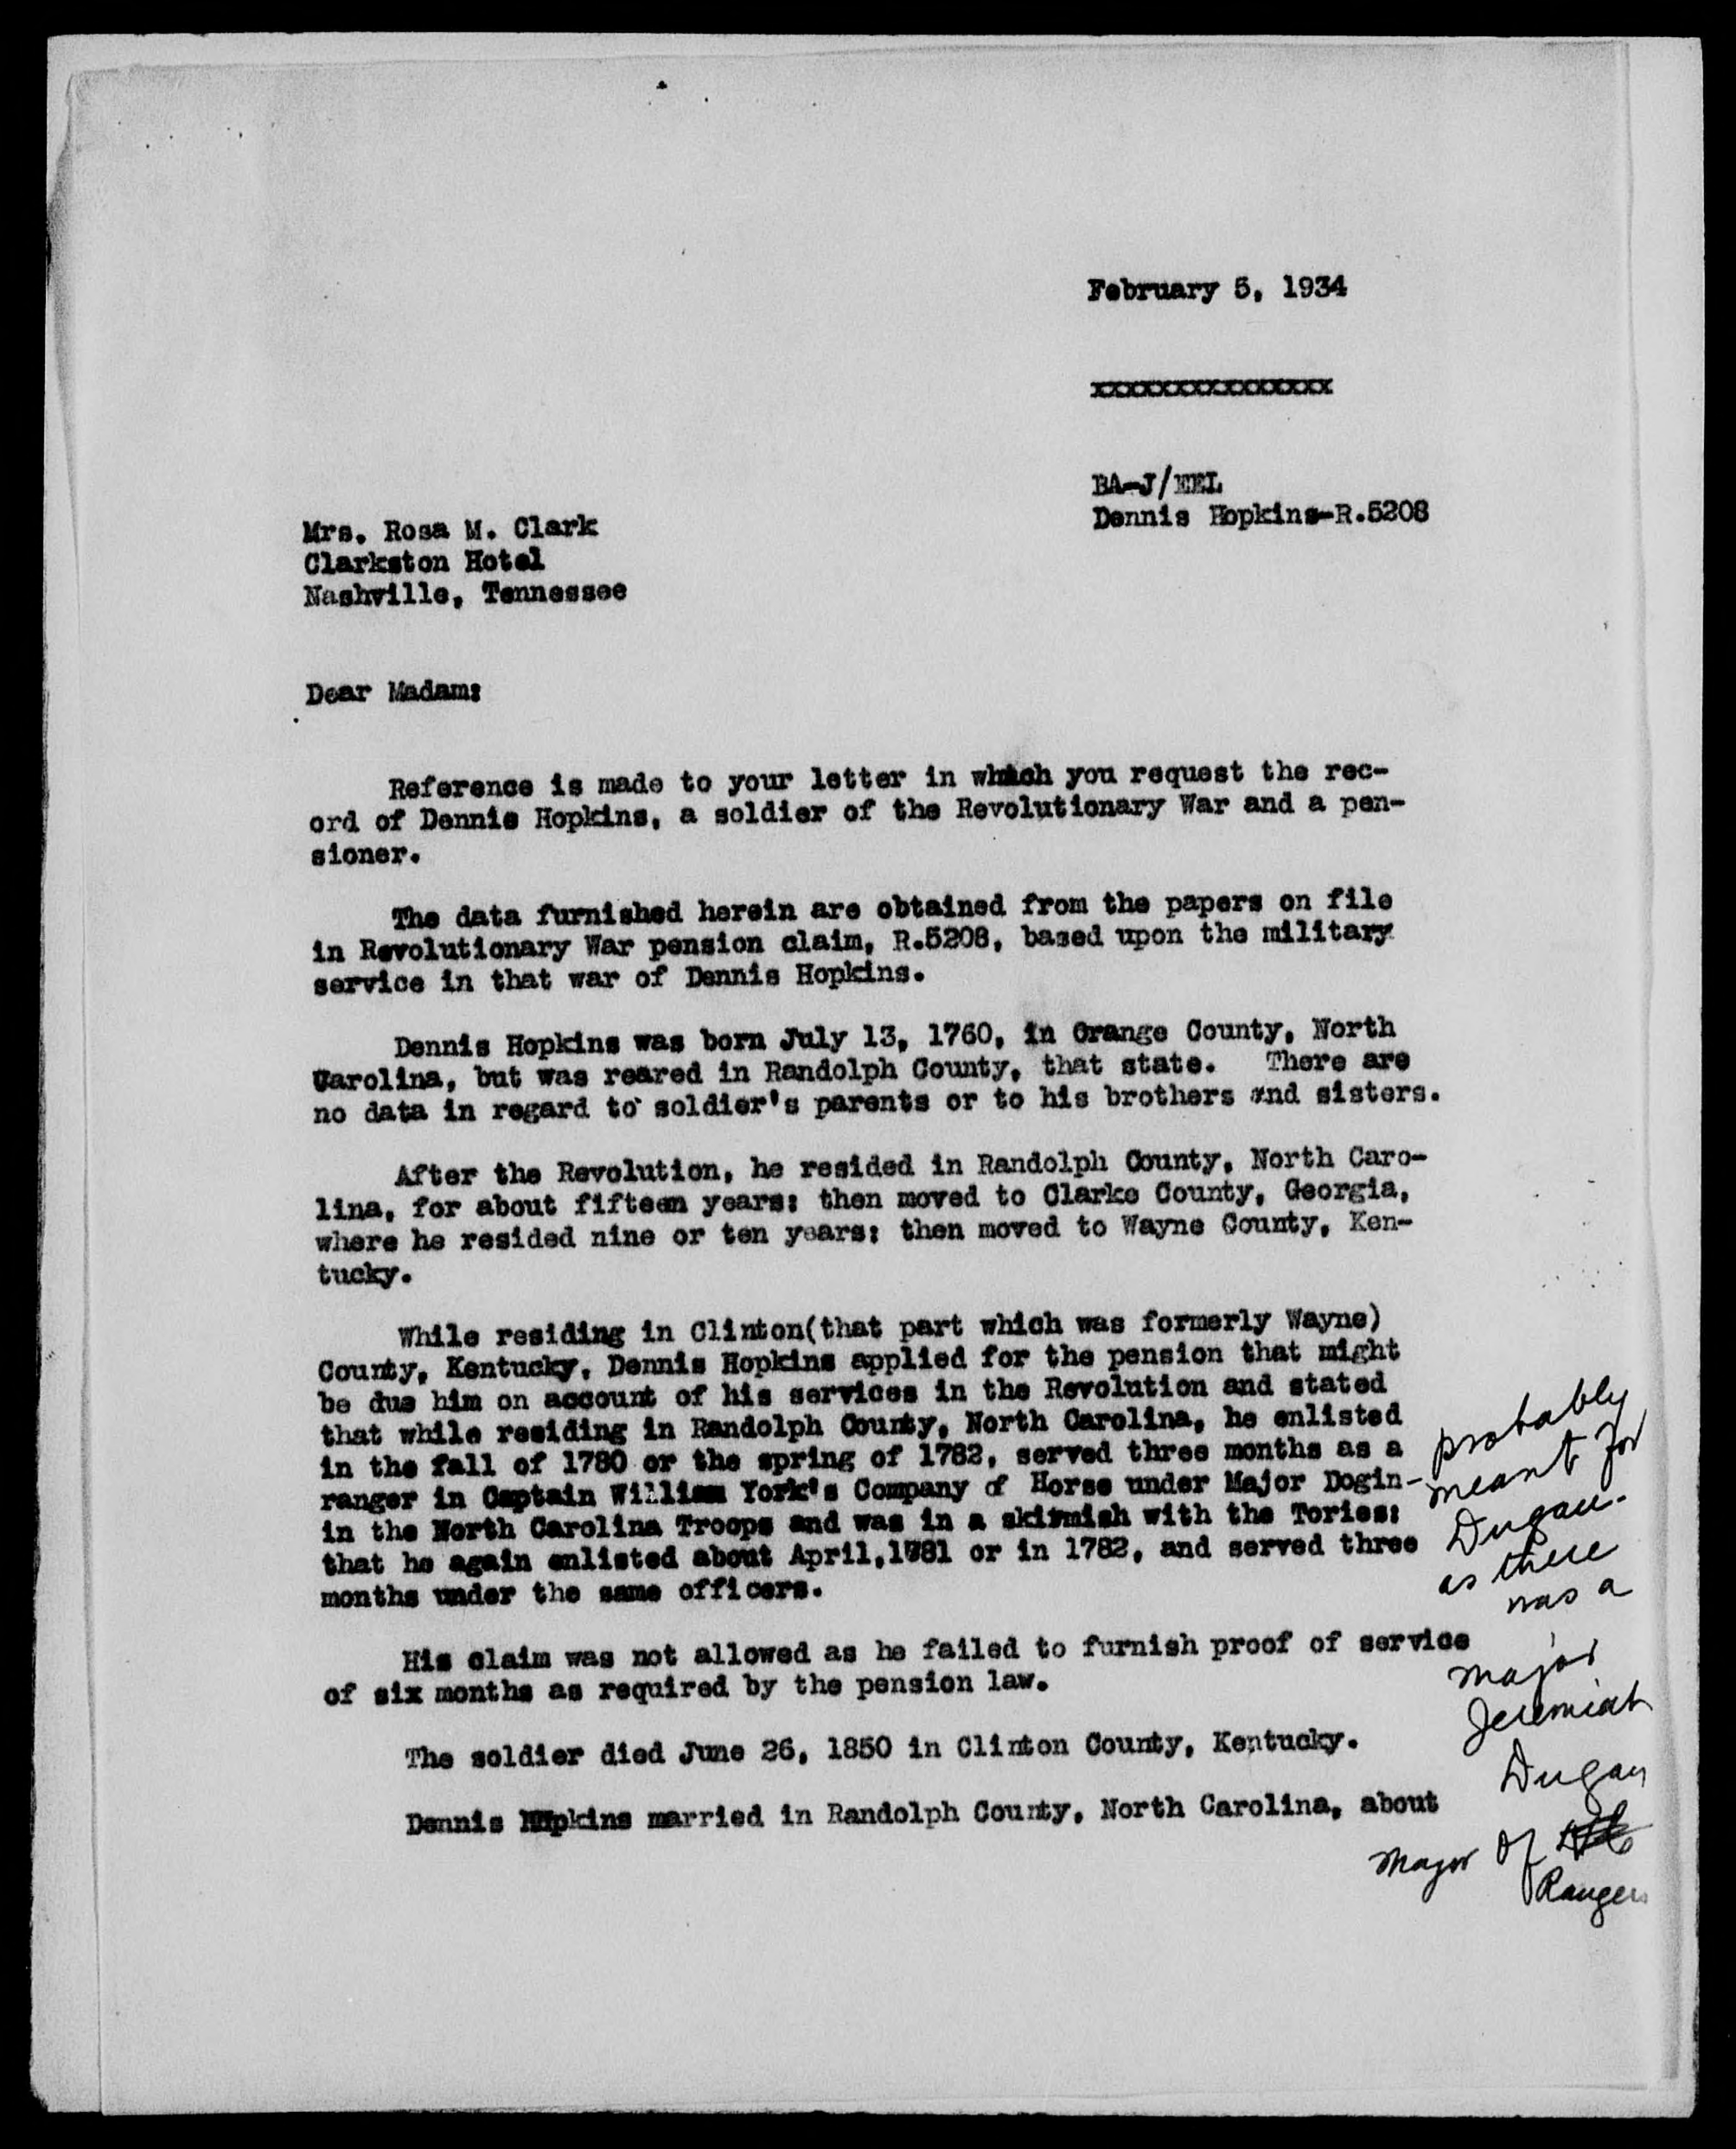February 5, 1934
XXXXXXXXXXXXXXX
BA-J/EEL
Dennis Hopkins-R.5208

Mrs. Rosa M. Clark
Clarkston Hotel
Nashville, Tennessee


Dear Madam:
Reference is made to your letter in which you request the record of Dennis Hopkins, a soldier of the Revolutionary War and a pensioner.

The data furnished herein are obtained from the papers on file in Revolutionary War pension claim, R.5206, based upon the military service in that war of Dennis Hopkins.

Dennis Hopkins was born July 13, 1760, in Orange County, North Carolina, but was reared in Randolph County, that state. There are no data in regard to soldier's parents or to his brothers and sisters.

After the Revolution, he resided in Randolph County, North Carolina, for about fifteen years: then moved to Clarke County, Georgia, where he resided nine or ten years: then moved to Wayne County, Kentucky.

While residing in Clinton (that part which was formerly Wayne) County, Kentucky, Dennis Hopkins applied for the pension that might be due him on account of his services in the Revolution and stated that while residing in Randolph County, North Carolina, he enlisted in the fall of 1780 or the spring of 1782, served three months as a probably ranger in Captain William York's Company of Horse under Major Dogin [handwritten in margin here - probably meant for Dugan as there was a Major Jeremiah Dugan Major of Rangers - end handwriting] in the North Carolina Troops and was in a skirmish with the Tories: that he again enlisted about April 1881 or in 1782, and served three months under the same officers.

His claim was not allowed as he failed to furnish proof of service of six months as required by the pension law.
The soldier died June 26, 1850 in Clinton County, Kentucky.

Dennis Hopkins married in Randolph County, North Carolina, about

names: Dennis Hopkins, Dogin, Jeremiah Dugan, Rosa M Clark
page: 60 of 144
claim: rejected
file: R. 5208, Dennis Hopkins, N.C.